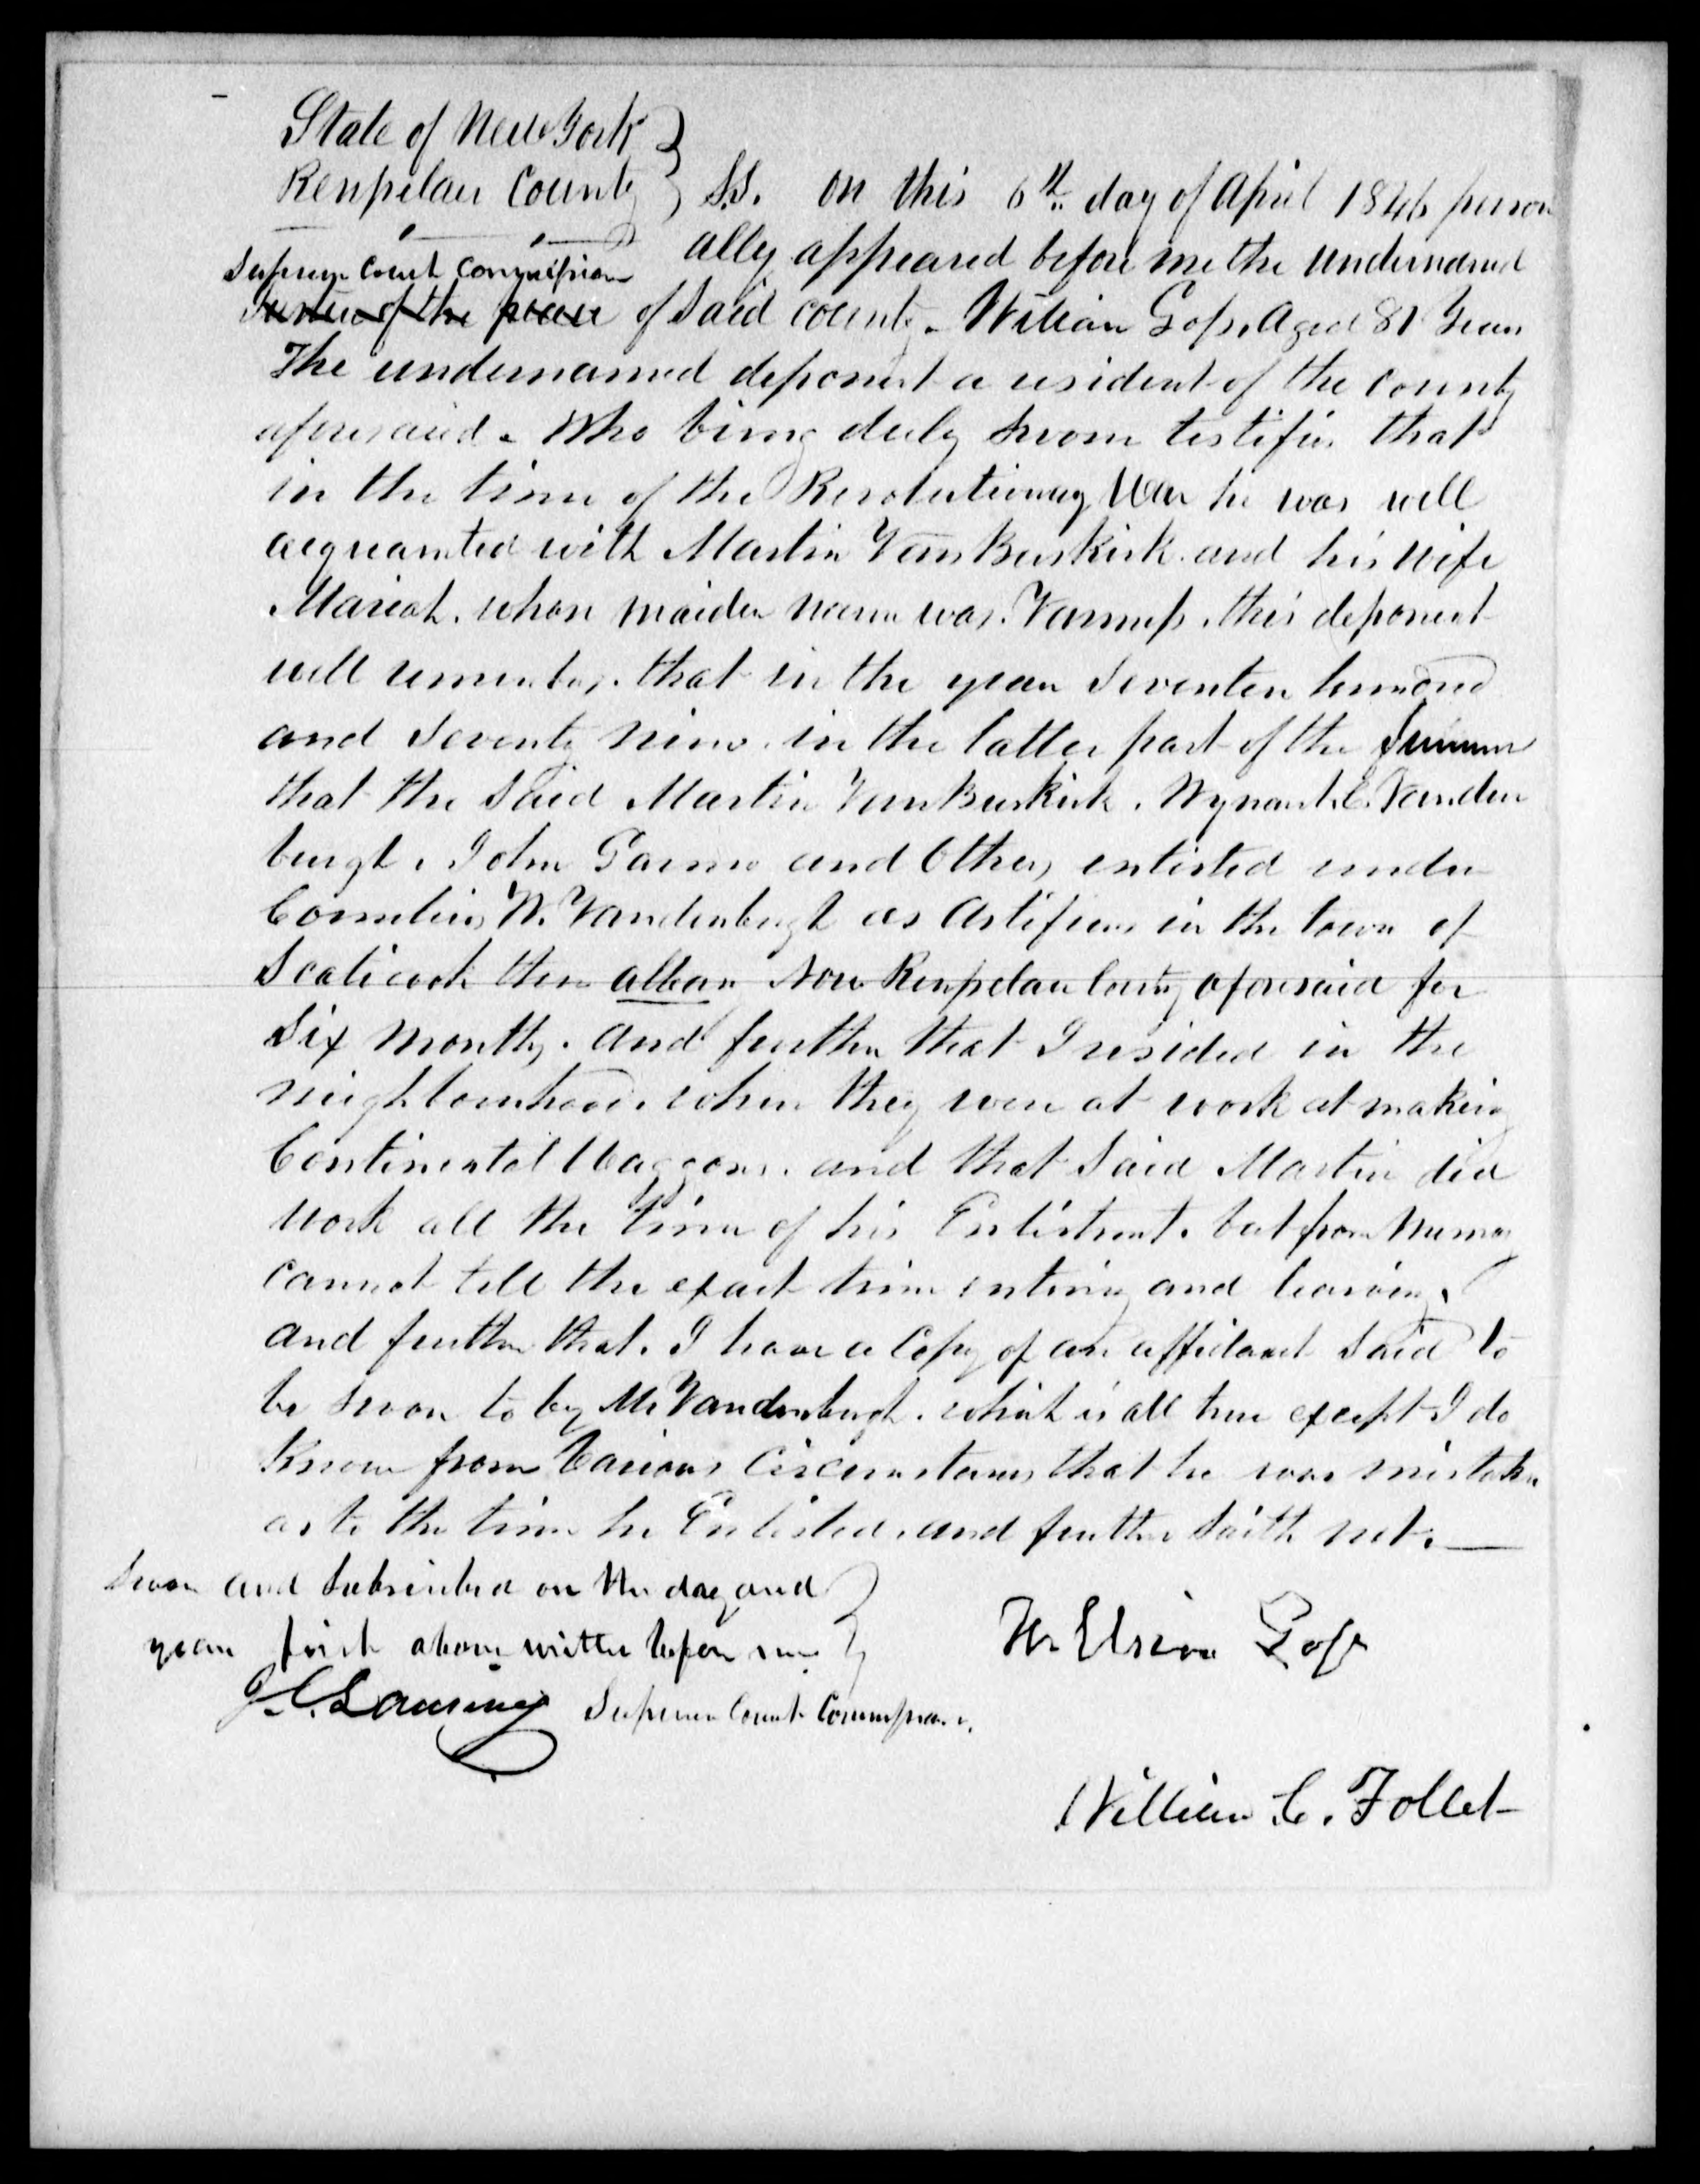State of New York 
Rensselaer County SS.
On this 6th day of April 1846 personally appeared before me the undernamed Justice of the Peace [Justice of the Peace is crossed out] Supreme Court Commissioner of said county.  William Goss, age 81 years the undernamed deponent a resident of the County aforesaid.  Who being duly sworn testifies that in the time of the Revolutionary War he was well acquainted with Martin Van Buskirk and his wife Mariah whose maiden name was Van Ness, this deponent will remember that in the year seventeen hundred
and seventy nine in the latter part of the summer that the said Martin Van Buskirk, Wynant E. Vandenburgh, John Garner and others enlisted under Cornelius W. Vandenburgh as Artificers in the town of
Scaticook [Schaghticoke] then Albany Now Rensselaer County aforesaid for six months. And further that I resided in the neighbourhood when they were at work at making Continental Waggons, and that said Martin did work all the time of his Enlistment, but from memory cannot tell the exact time enter and leaving, and further that I have a copy of an affidavit said to be sworn to by Mr Vandenburgh which is all true except I do know from various circumstances that he was mistaken as to the time he enlisted, and further saith not.

William Goss [signature]

William C. Follet [signature]

Sworn and subscribed on the day and year first above written before me
J. C. Lansing [signature] Supreme Court Commissioner.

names: J C Lansing, Wilian Goss, William C Follet, Mariah, Martin Van Buskirk, Vanness, John Garner, Vandenbergh, Cornelius W Vandenbergh, Martin, Wynant C Vandenburgh, Willim Goss, Martin Van Buskirk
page: 38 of 70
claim: rejected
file: R. 10,832, Martin Van Buskirk, New York.